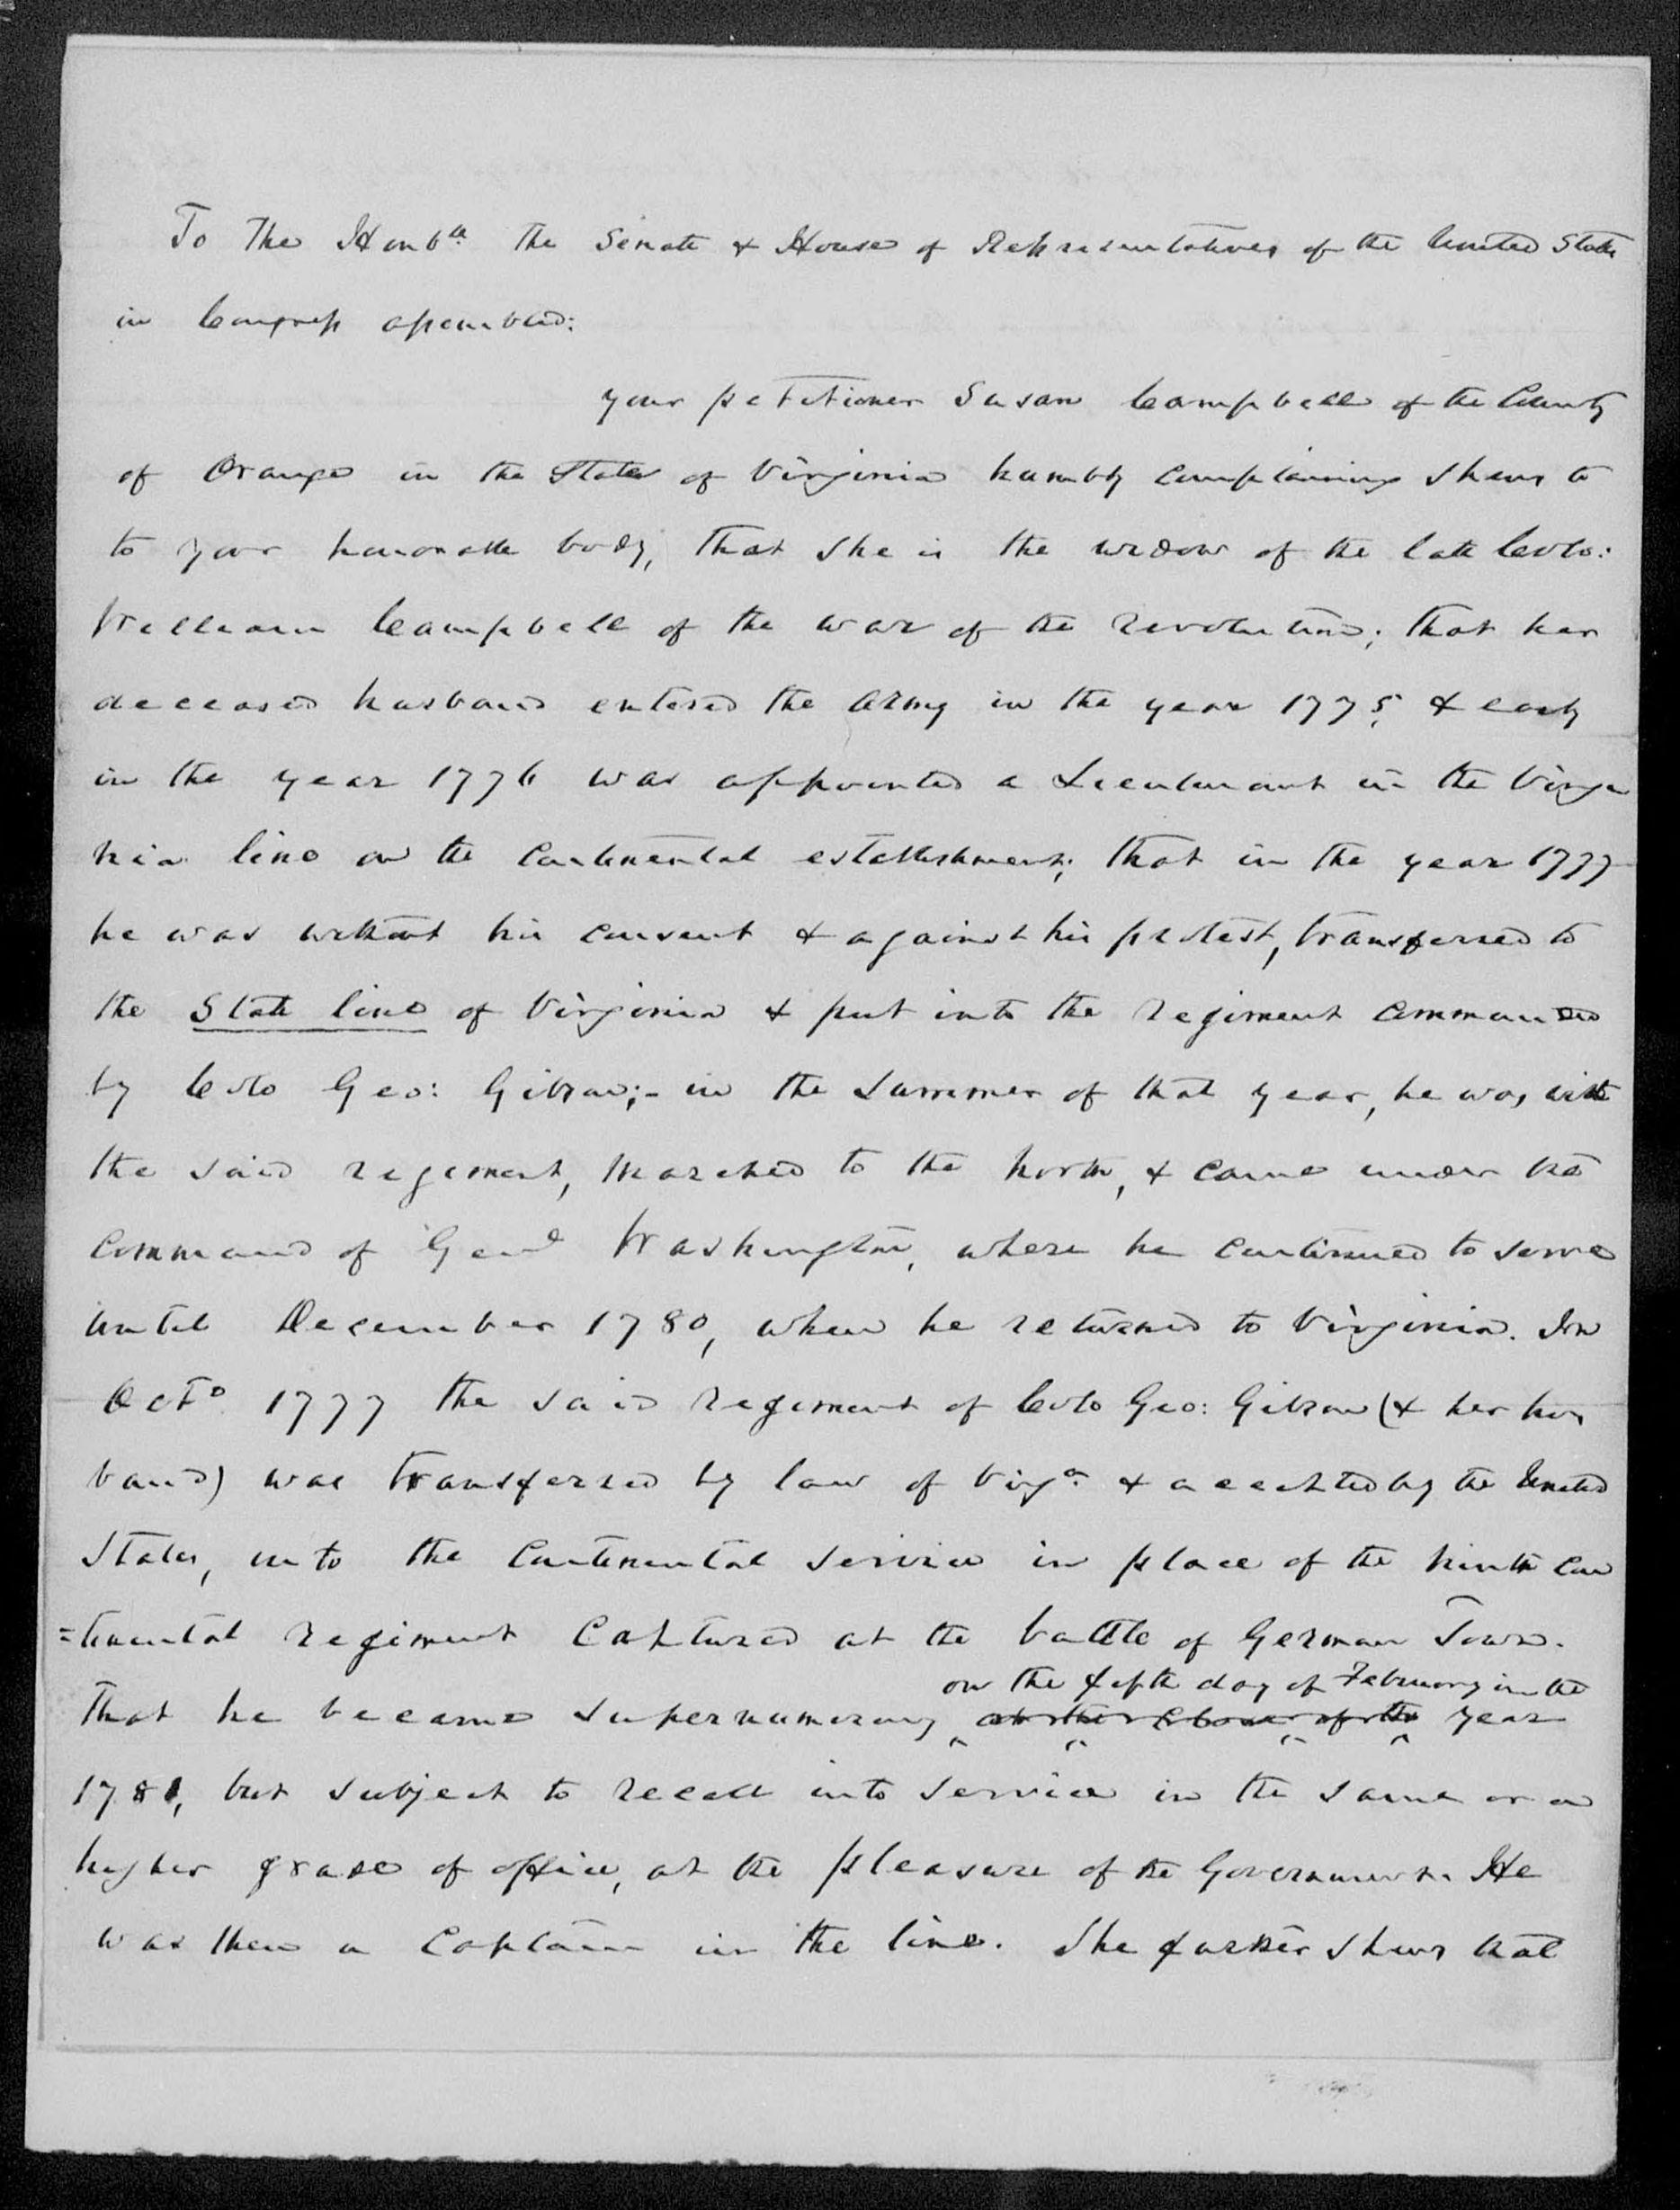To The Honble. The Senate & House of Representatives of the United States in Congress assembled:
your petitioner Susan Campbell of the County of Orange in the State of Virginia hereby Complaining shows to your honorable body, That she is the widow of the late Colo: William Campbell of the war of the revolution; that her deceased husband entered the Army in the year 1775, & early in the year 1776 was appointed a Lieutenant in the Virginia line on the Continental establishment; that in the year 1777 he was without his consent & against his protest, transferred to the State line of Virginia & put into the regiment commanded by Colo Geo: Gibson;- in the Summer of that year, he was with the said regiment, Marched to the North, & came under the Command of Genl Washington, where he continued to serve until December 1780, when he returned to Virginia. In Octo 1777 the said Regiment of Colo Geo: Gibson (& her husband) was Transferred by law of Virga. & accepted by the United States, into the Continental Service in place of the Ninth Continental Regiment Captured at the battle of German Town. That he became Supernumerary on the fifth day of February in the year 1781, but subject to recall into Service in the same or a higher grade of office, at the pleasure of the Government. He was then a Captain in the line. She further shows that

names: William Campbell, Geo Gibson, Susan Campbell, Washington, Geo Gibson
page: 176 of 267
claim: widow's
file: W. 4,149, William Campbell, Va.